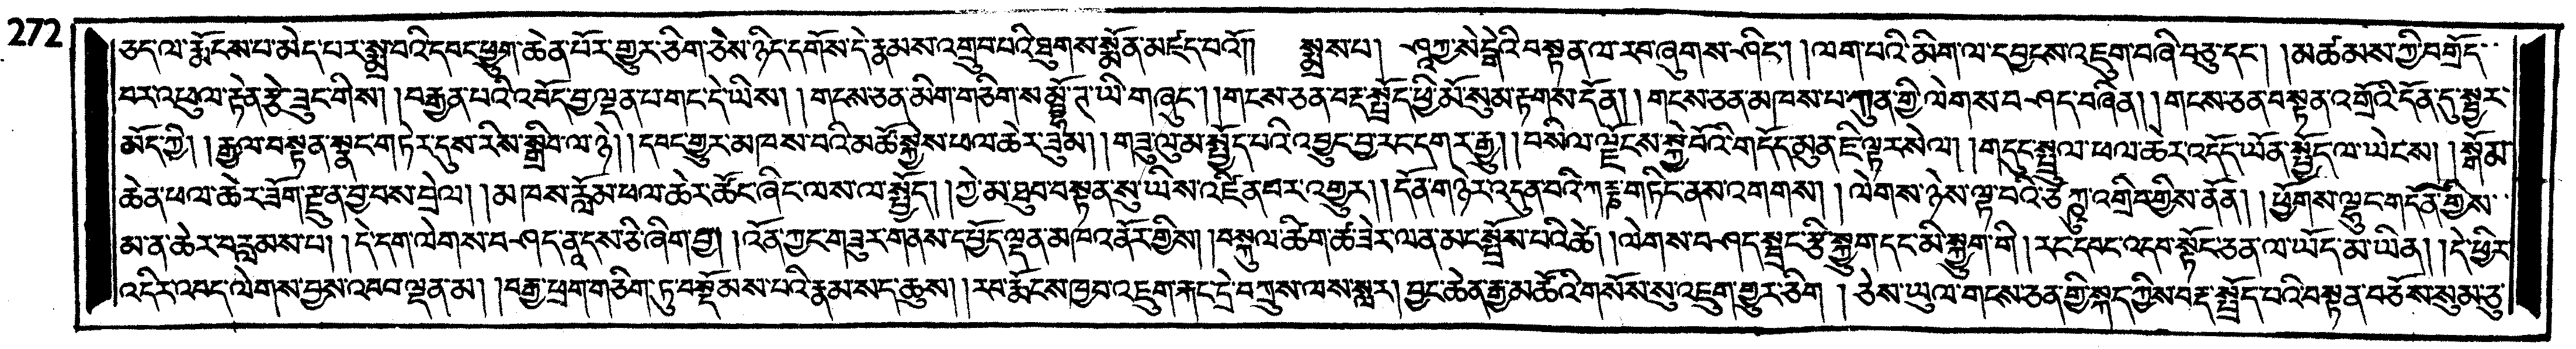ཅད་ལ་རྨོངས་པ་མེད་པར་སྨྲ་བའི་དབང་ཕྱུག་ཆེན་པོར་གྱུར་ཅིག་ཅེས་ཉིད་དགོས་དེ་རྣམས་འགྲུབ་པའི་ཐུགས་སྨོན་མཛད་པའོ།། སྨྲས་པ། ཤའྐྱ་སེངྒེའི་བསྟན་ལ་རབ་ཞུགས་ཤིང་། །ལག་པའི་མིག་ལ་དབྱངས་འཇུག་བཞི་བཅུ་དང་། །མཚམས་ཀྱི་བགྲོད་
བར་འཕུལ་རྟེན་རྩེ་ཟུང་གིས། །བརྒྱན་པའི་འབོད་བྱ་ལྡན་པ་གང་དེ་ཡིས། །གངས་ཅན་མིག་གཅིག་སམྦྷོ་ཊ་ཡི་གཞུང་། །གངས་ཅན་བརྡ་སྤྲོད་ཕྱི་མོ་སུམ་རྟགས་དོན། །གངས་ཅན་མཁས་པ་ཀུན་གྱི་ལེགས་བཤད་བཞིན། །གངས་ཅན་བསྟན་འགྲོའི་དོན་དུ་སྦྱར་
མོད་ཀྱི། །རྒྱལ་བསྟན་སྣང་གཏེར་དུས་རིས་སྒྲིབ་ལ་ཉེ། །དབང་གྱུར་མཁས་བའི་མཚོ་སྐྱེས་ཕལ་ཆེར་ཟུམ། །གཟུ་ལུ་མ་སྤྱོད་པའི་འབྱུང་བྱ་རང་དགར་རྒྱུ། །བསིལ་ལྗོངས་སྐྱེ་བོའི་གདོད་མུན་ཇི་ལྟར་སེལ། །གདུང་སྤྲུལ་ཕལ་ཆེར་འདོད་ཡོན་སྤྱོད་ལ་ཡེངས། །སྒོམ་
ཆེན་ཕལ་ཆེར་ཟོག་རྫུན་བྱ་བས་བྲེལ། །མཁས་རློམ་ཕལ་ཆེར་ཚོངས་ཞིང་ལས་ལ་སྤྱོད། །ཀྱེ་མ་ཐུབ་བསྟན་སུ་ཡིས་འཛིན་པར་འགྱུར། །དོན་གཉེར་འདུན་བའི་ཀརྞ་གཏིང་ནས་འགགས། ལེགས་ཉེས་ལྟ་བའི་ཙ་ཀྵུ་འགྲིབ་ཀྱིས་ནོན། །ཕྱོགས་ལྷུང་གདོན་གྱིས་
མ་ན་ཆེར་བརླམས་པ། །དེ་དག་ལེགས་བཤད་ནཱ་དས་ཅི་ཞིག་བྱ། །འོན་ཀྱང་གཟུར་གནས་དཔྱོད་ལྡན་མཁའ་ནོར་གྱིས། །བསྐུལ་ཚིག་ཚ་ཟེར་ལན་མང་སྤྲོས་པའི་ཚེ། །ལེགས་བཤད་སྦྲང་རྩི་སྐྱུག་དང་མི་སྐྱུག་གི །རང་དབང་འདབ་སྟོང་ཅན་ལ་ཡོད་མ་ཡིན། །དེ་ཕྱིར་
འདིར་འབད་ལེགས་བྱས་འབབ་ལྡན་མ། །བརྒྱ་ཕྲག་གཅིག་ཏུ་བསྡོམས་པའི་རྣམ་སད་ཆུས། །རབ་རྨོངས་ཁྱབ་འཇུག་རྐང་དྲེ་བཀྲུས་ལས་སླར། བྱང་ཆེན་རྒྱ་མཚོའི་གསོས་སུ་འཇུག་གྱུར་ཅིག །ཅེས་ཡུལ་གངས་ཅན་གྱི་སྐད་ཀྱིས་བརྡ་སྤྲོད་པའི་བསྟན་བཅོས་སུམ་ཅུ་